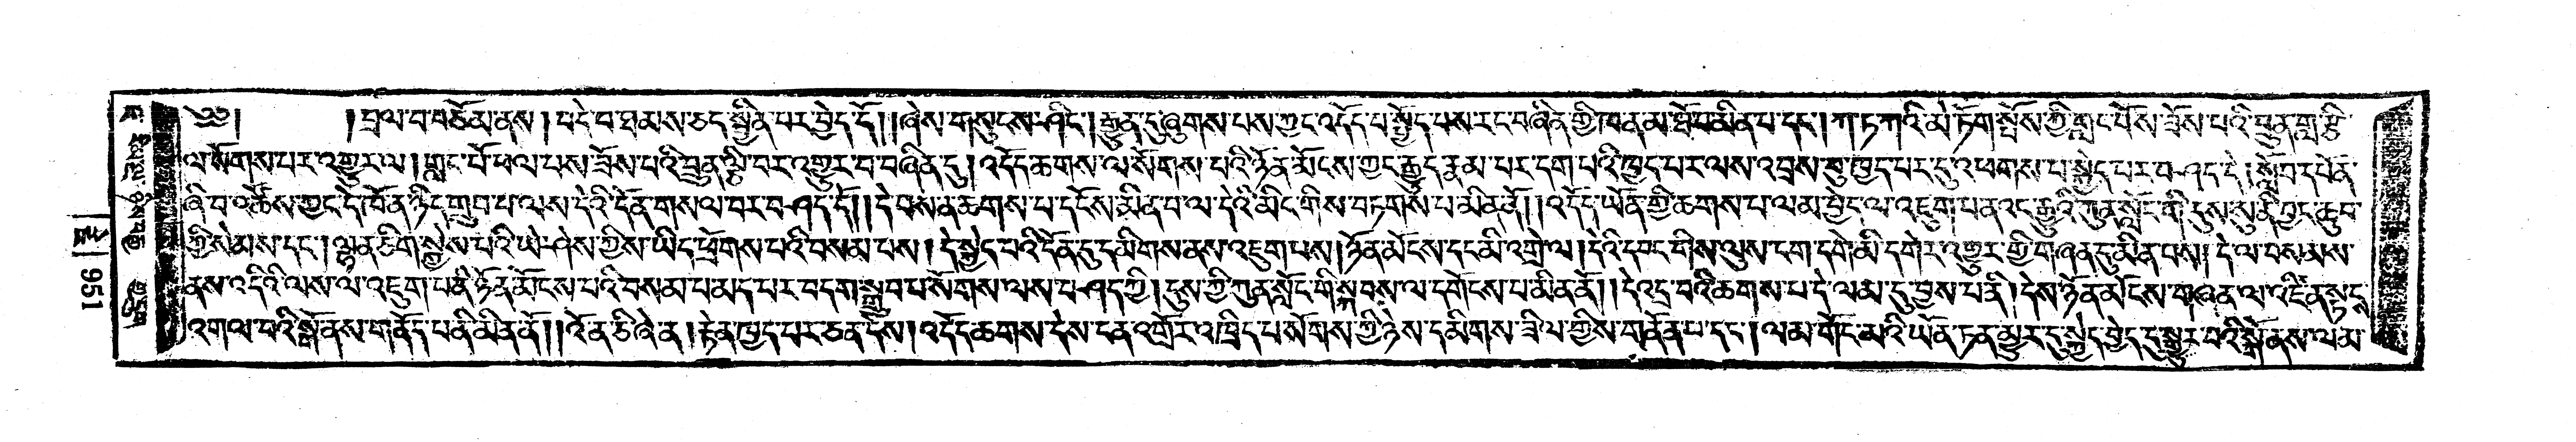༄༅། །བྲལ་བ་བཅོམ་ནས། བདེ་བ་ཐམས་ཅད་སྦྱིན་པར་བྱེད་དོ། །ཞེས་གསུངས་ཤིང་། རྒྱུན་དུ་ཞུགས་པས་ཀྱང་འདོད་པ་སྤྱོད་པས་རང་བཞིན་གྱི་ཁ་ན་མ་ཐོ་བ་མིན་པ་དང་། ཀེ་ཏ་ཀའི་མེ་ཏོག་སྤོས་ཀྱི་གླང་པོས་ཟོས་པའི་བྲུན་གླ་རྩི་
ལ་སོགས་པར་འགྱུར་ལ། གླང་པོ་ཕལ་པས་ཟོས་པའི་བྲུན་ལྕི་བར་འགྱུར་བ་བཞིན་དུ། འདོད་ཆགས་ལ་སོགས་པའི་ཉོན་མོངས་ཀྱང་རྒྱུད་རྣམ་པར་དག་པའི་ཁྱད་པར་ལས་འབྲས་བུ་ཁྱད་པར་དུ་འཕགས་པ་སྐྱེད་པར་བཤད་དེ། སློབ་དཔོན་
ཞི་བ་འཚོས་ཀྱང་དེ་ཁོ་ན་ཉིད་གྲུབ་པ་ལས་དེའི་དོན་གསལ་བར་བཤད་དོ། །དེ་བས་ན་ཆགས་པ་དངོས་མིན་པ་ལ་དེའི་མིང་གིས་བཏགས་པ་མིན་ནོ། །འདོད་ཡོན་གྱི་ཆགས་པ་ལམ་བྱེད་ལ་འཇུག་པ་ནའང་རྒྱུའི་ཀུན་སློང་གི་དུས་སུ་ནི་བྱང་ཆུབ་
ཀྱི་སེམས་དང་། ལྷན་ཅིག་སྐྱེས་པའི་ཡེ་ཤེས་ཀྱིས་ཡིད་ཕྲོགས་པའི་བསམ་པས། དེ་སྐྱེད་པའི་དོན་དུ་དམིགས་ནས་འཇུག་པས། ཉོན་མོངས་དང་མི་འགྲེ་ལ། དེའི་དབང་གིས་ལུས་ངག་དགེ་མི་དགེར་འགྱུར་གྱི་གཞན་དུ་མིན་པས། དེ་ལ་བསམས་
ནས་འདིའི་ལས་ལ་འཇུག་པ་ནི་ཉོན་མོངས་པའི་བསམ་པ་མེད་པར་བདག་སྒྲུབ་པ་སོགས་ལས་བཤད་ཀྱི། དུས་ཀྱི་ཀུན་སློང་གི་སྐབས་ལ་དགོངས་པ་མིན་ནོ། །དེ་འདྲ་བའི་ཆགས་པ་དེ་ལམ་དུ་བྱས་པ་ནི། དེས་ཉོན་མོངས་གཞན་ལ་འཛིན་སྟངས་
འགལ་བའི་སྒོ་ནས་གནོད་པ་ནི་མིན་ནོ། །འོ་ན་ཅི་ཞེ་ན། རྟེན་ཁྱད་པར་ཅན་དེས། འདོད་ཆགས་དེས་ངན་འགྲོར་འཁྲིད་པ་སོགས་ཀྱི་ཉེས་དམིགས་ཟིལ་གྱིས་གནོན་པ་དང་། ལམ་གོང་མའི་ཡོན་ཏན་མྱུར་དུ་སྐྱེད་བྱེད་དུ་སྒྱུར་བའི་སྒོ་ནས་ལམ་